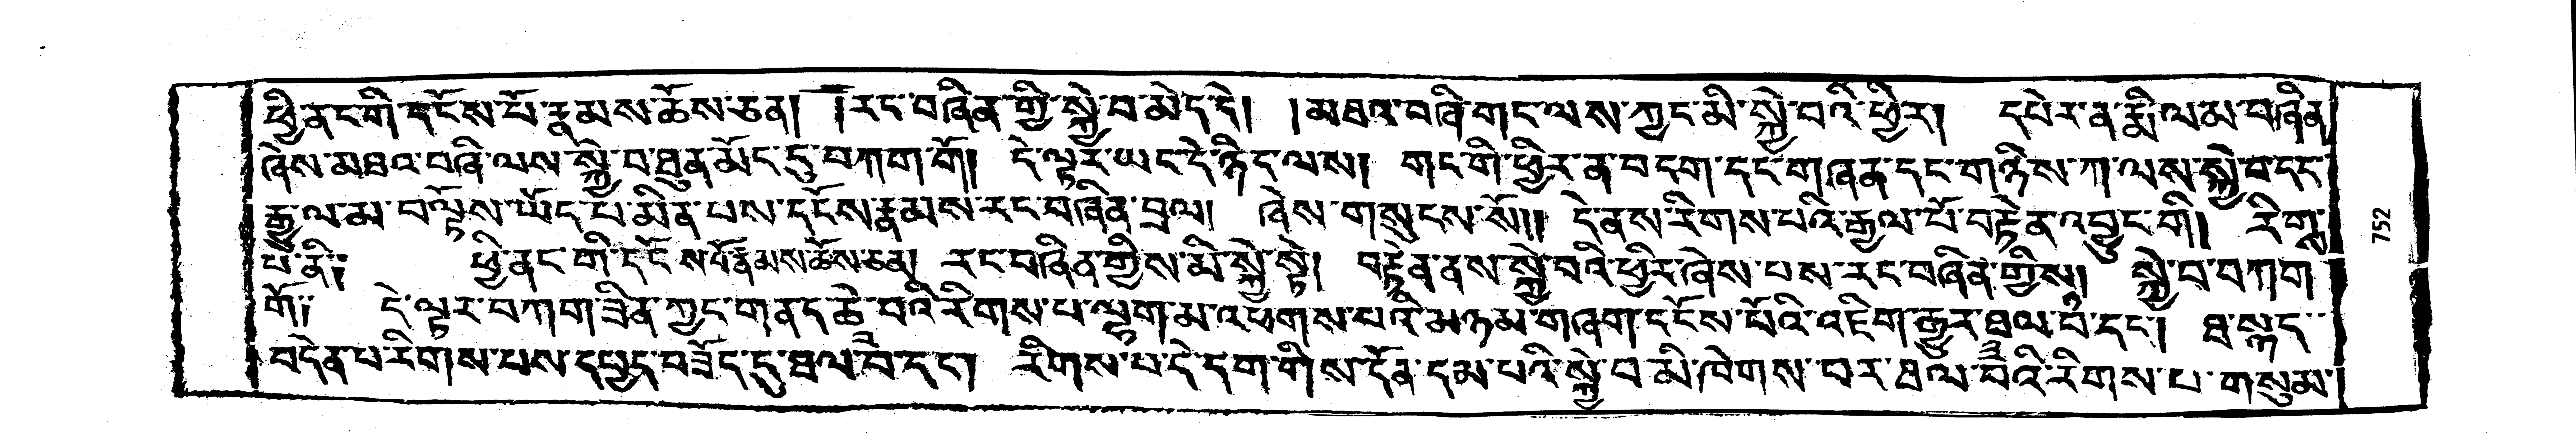ཕྱི་ནང་གི་དངོས་པོ་རྣམས་ཆོས་ཅན། །རང་བཞིན་གྱི་སྐྱེ་བ་མེད་དེ། །མཐའ་བཞི་གང་ལས་ཀྱང་མི་སྐྱེ་བའི་ཕྱིར། དཔེར་ན་རྨི་ལམ་བཞིན་
ཞེས་མཐའ་བཞི་ལས་སྐྱེ་བ་ཐུན་མོང་དུ་བཀག་གོ། དེ་ལྟར་ཡང་དེ་ཉིད་ལས། གང་གི་ཕྱིར་ན་བདག་དང་གཞན་དང་གཉིས་ཀ་ལས་སྐྱེ་བ་དང་
རྒྱུ་ལ་མ་བལྟོས་ཡོད་པ་མིན་པས་དངོས་རྣམས་རང་བཞིན་བྲལ། ཞེས་གསུངས་སོ།། དེ་ནས་རིགས་པའི་རྒྱལ་པོ་བརྟེན་འབྱུང་གི། རིགས་
པ་ནི། ཕྱི་ནང་གི་དངོས་པོ་རྣམས་ཆོས་ཅན། རང་བཞིན་གྱིས་མི་སྐྱེ་སྟེ། བརྟེན་ནས་སྐྱེ་བའི་ཕྱིར་ཞེས་པས་རང་བཞིན་གྱིས། སྐྱེ་བ་བཀག་
གོ། དེ་ལྟར་བཀག་ཟིན་ཀྱང་གནད་ཆེ་བའི་རིགས་པ་ལྷག་མ་འཕགས་པའི་མཉམ་གཞག་དངོས་པོའི་འཇིག་རྒྱུར་ཐལ་བ་དང་། ཐ་སྙད་
བདེན་པ་རིགས་པས་དཔྱད་བཟོད་དུ་ཐལ་བ་དང་། རིགས་པ་དེ་དག་གིས་དོན་དམ་པའི་སྐྱེ་བ་མི་ཁེགས་པར་ཐལ་བའི་རིགས་པ་གསུམ་